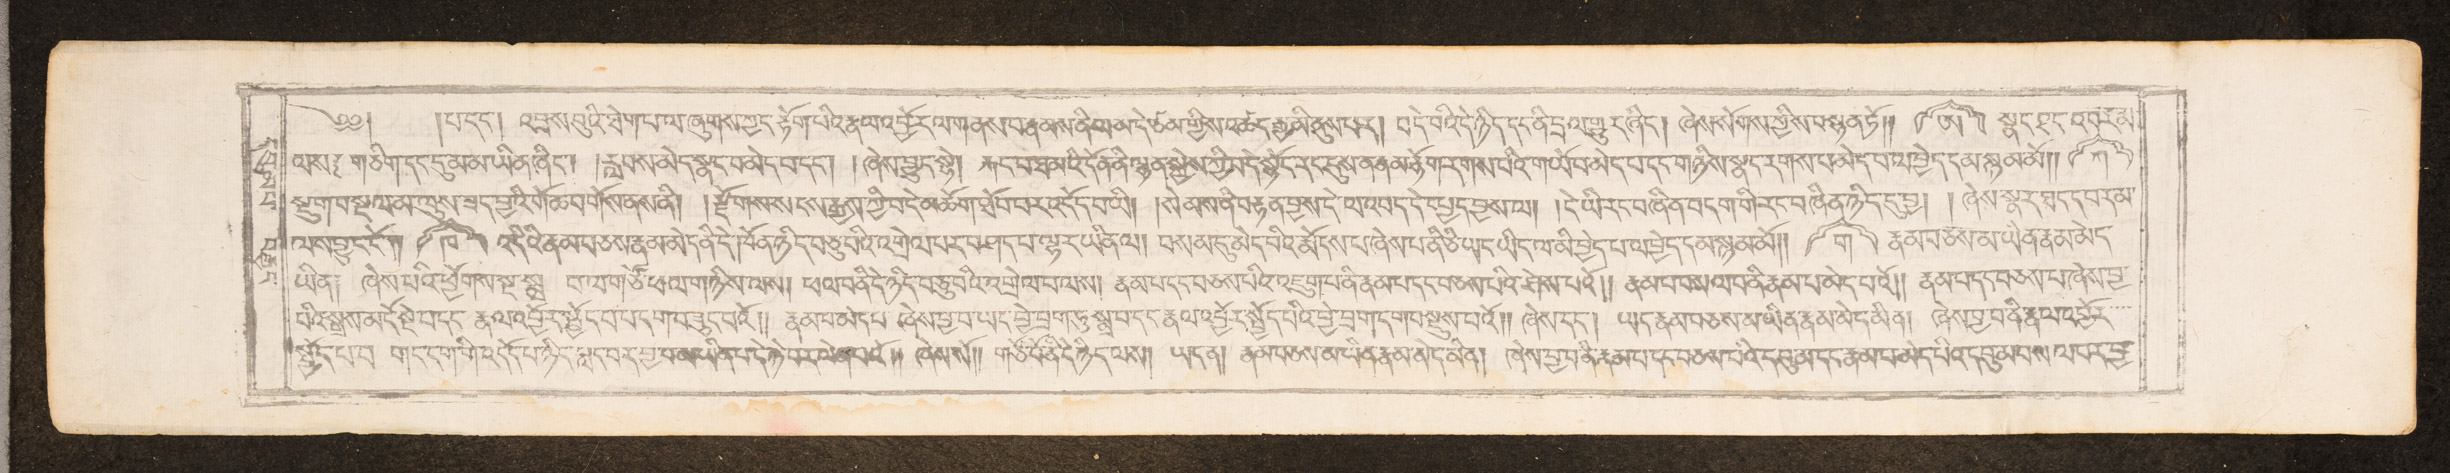༄༅། །པ་དང་། འབྲས་བུའི་ཐེག་པ་ལ་ཞུགས་ཀྱང་རྟོག་པའི་རྣལ་འབྱོར་ལ་གནས་པ་རྣམས་ནི་ལ་མ་དེ་ཙམ་གྱིས་འཚད་རྒྱ་མི་ནུས་པར། བདེ་བའི་དེ་ཉིད་དང་ནི་བྲལ་གྱུར་ཞིང་། ཞེས་སོགས་ཀྱིས་བྲྷན་ཏོ།། ༼༽ཨ༼༽ སྣར་ཐང་དཔར་མ་
ལས༑ གཅིག་དང་དུ་མ་མ་ཡིན་ཞིང་། །རླབས་མེད་སྣང་བ་མེད་པ་དང་། །ཞེས་བྱུང་ཤེ། རྐང་པ་ཧྟ་མའི་དོན་ནི་ལྷན་སྐྱེས་ཀྱི་བདེ་ཤོང་རང་དུས་ན་རྣམ་རྷོག་རགས་པའི་གཡོ་བ་མེད་པ་དང་གཉིས་སྣང་རགས་པ་མེད་པ་ལ་བྱེད་དམ་སྙམ་མོ།། ༼༽ཀ༼༽
སྡུག་བསྔལ་མ་ལུས་ཟད་བྱའི་གོ་ཆ་བགོས་ནས་ནི། །རྫོགས་སངས་རྒྱས་ཀྱི་བདེ་མཆོག་ཐོབ་པར་འདོད་པ་ཡི། །སེམས་ནི་བརྟན་བྱས་དེ་ལ་འབད་དེ་དཔྱད་བྱས་ལ། །དེ་ཡི་རང་བཞིན་བདག་གི་རང་བཞིན་ཉིད་དུ་བྱ། །ཞེས་སྣར་ཐང་དཔར་མ་
ལས་བྱུང་ངོ།། ༼༽ཁ༼༽ འདིའི་རྣམ་བཅས་རྣམ་མེད་ནི་དེ་ཁོན་ཉིད་བཅུ་པའི་འགྲེལ་པར་བཤད་པ་ལྷར་ཡིན་ལ། བསམ་དུ་མེད་པའི་རྨོངས་པ་ཞེས་པ་ནི་ཅི་ཡང་ཡིད་ལ་མི་བྱེད་པ་ལ་བྱེད་དམ་སྙམ་མོ།། ༼༽ག༼༽ རྣམ་བཅས་མ་ཡིན་རྣམ་མེད་
ཡིན༑ ཞེས་པའི་ཕྱོགས་སྔ་སྨྲ་བ་ལ་གཙོ་ཕལ་གཉིས་ལས། ཕལ་བ་ནི་དེ་ཉིད་པའི་འགྲེལ་བ་ལས། རྣམ་པ་དང་བཅས་པའི་འཇུག་པ་ནི་རྣམ་པ་དང་བཅས་པའི་ཤེས་པའོ།། རྣམ་པ་བསལ་བ་ནི་རྣམ་པ་མེད་པའོ།། རྣམ་པ་དང་བཅས་པ་ཞེས་བྱ་
པའི་སྒྲས་མདོ་སྡེ་པ་དང་རྣལ་འབྱོར་སྦྱོད་པ་བདག་བཟུང་བའོ།། རྣམ་པ་མེད་པ་ཞེས་བྱ་བ་ཡང་བྱེ་བྲག་ཏུ་སྨྲ་བ་དང་རྣམ་འབྱོར་པའི་བྱེ་བྲག་དག་བསྡུས་པའོ།། ཞེས་དང་། ཡང་རྣམ་བཅས་མ་ཡིན་རྣམ་མེད་མིན། ཞེས་བྱ་བ་ནི་རྣལ་འབྱོར་
སྤྱོད་པ་བ་གང་ངག་གི་འདོད་པ་ཉིད་བླང་བར་བྱ་བ་མ་ཡིན་པ་དེ་ཉེ་བར་ལེན་པའོ།། ཞེས་སོ།། གཙོ་བོ་ནི་དེ་ཉིད་ལས། ཡང་ན། རྣམ་བསམ་མ་ཡིན་རྣམ་མེད་མིན། ཞེས་བྱ་བ་ནི་རྣམ་པ་དང་བཅས་པའི་དབུ་མ་དང་རྣམ་པ་མེད་པའི་དབུ་མ་བསལ་བར་བྱ་